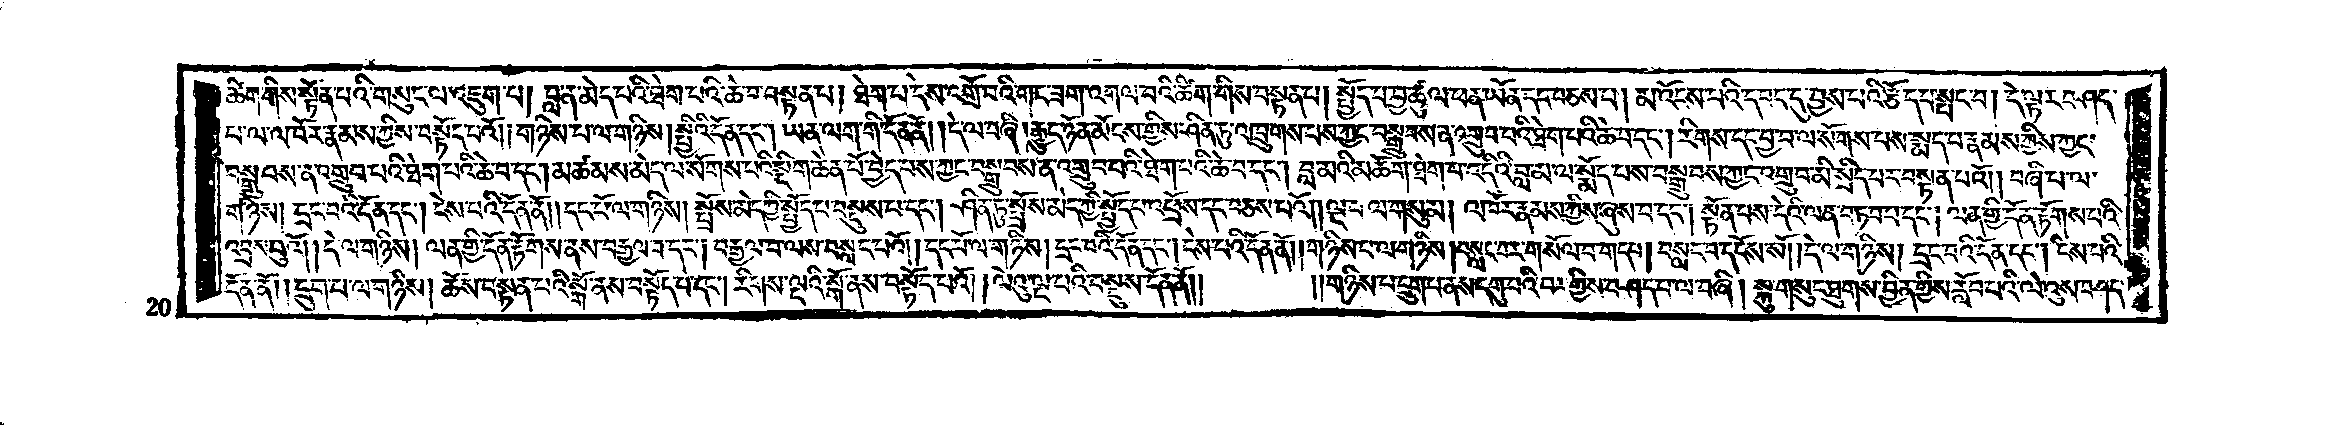ཚིག་གིས་སྟོན་པའི་གསུང་ལ་འཇུག་པ། བླ་ན་མེད་པའི་ཐེག་པའི་ཆེ་བ་བསྟན་པ། ཐེག་པ་དེས་འགྲོ་བའི་གང་ཟག་འགལ་བའི་ཚིག་གིས་བསྟན་པ། སྤྱོད་པ་བྱ་ཚུལ་ཕན་ཡོན་དང་བཅས་པ། མ་འོངས་པའི་དབང་དུ་བྱས་པའི་རྩོད་པ་སྤང་བ། དེ་ལྟར་བཤད་
པ་ལ་འཁོར་རྣམས་ཀྱིས་བསྟོད་པའོ། །གཉིས་པ་ལ་གཉིས། སྤྱིའི་དོན་དང་། ཡན་ལག་གི་དོན་ནོ། །དེ་ལ་བཞི། རྒྱུད་ཉོན་མོངས་གྱིས་ཤིན་ཏུ་འཁྲུགས་པས་ཀྱང་བསྒྲུབས་ན་འགྲུབ་པའི་ཐེག་པའི་ཆེ་བ་དང་། རིགས་དང་བྱ་བ་ལ་སོགས་པས་སྨད་པ་རྣམས་ཀྱིས་ཀྱང་
བསྒྲུབས་ན་འགྲུབ་པའི་ཐེག་པའི་ཆེ་བ་དང་། མཚམས་མེད་ལ་སོགས་པའི་སྡིག་ཆེན་པོ་བྱེད་པས་ཀྱང་བསྒྲུབས་ན་འགྲུབ་པའི་ཐེག་པའི་ཆེ་བ་དང་། བླ་མའི་མཆོག་ཐེག་པ་འདིའི་བླ་མ་ལ་སྨོད་པས་བསྒྲུབས་ཀྱང་འགྲུབ་མི་སྲིད་པར་བསྟན་པའོ། །བཞི་པ་ལ་
གཉིས། དྲང་བའི་དོན་དང་། ངེས་པའི་དོན་ནོ། །དང་པོ་ལ་གཉིས། སྤྲོས་མེད་ཀྱི་སྤྱོད་པ་བསྡུས་པ་དང་། ཤིན་ཏུ་སྤྲོས་མེད་ཀྱི་སྤྱོད་པ་འཕྲོས་དང་བཅས་པའོ། །ལྔ་པ་ལ་གསུམ། འཁོར་རྣམས་ཀྱིས་ཞུས་པ་དང་། སྟོན་པས་དེའི་ལན་བཏབ་པ་དང་། ལན་གྱི་དོན་རྟོགས་པའི་
འབྲས་བུའོ། །དེ་ལ་གཉིས། ལན་གྱི་དོན་རྟོགས་ནས་བརྒྱལ་བ་དང་། བརྒྱལ་བ་ལས་བསླང་པའོ། །དང་པོ་ལ་གཉིས། དྲང་བའི་དོན་དང་། ངེས་པའི་དོན་ནོ། །གཉིས་པ་ལ་གཉིས། བསླང་བར་གསོལ་བ་གདབ། བསླང་བ་དངོས་སོ། །དེ་ལ་གཉིས། དྲང་བའི་དོན་དང་། ངེས་པའི་
དོན་ནོ། །དྲུག་པ་ལ་གཉིས། ཆོས་བསྟན་པའི་སྒོ་ནས་བསྟོད་པ་དང་། རིགས་ལྔའི་སྒོ་ནས་བསྟོད་པའོ། །ལེའུ་ལྔ་པའི་བསྡུས་དོན་ནོ།། །།གཉིས་པ་དྲུག་པ་ནས་དགུ་པའི་བར་གྱིས་བཤད་པ་ལ་བཞི། སྐུ་གསུང་ཐུགས་བྱིན་གྱིས་རློབ་པའི་ལེའུས་བཤད་